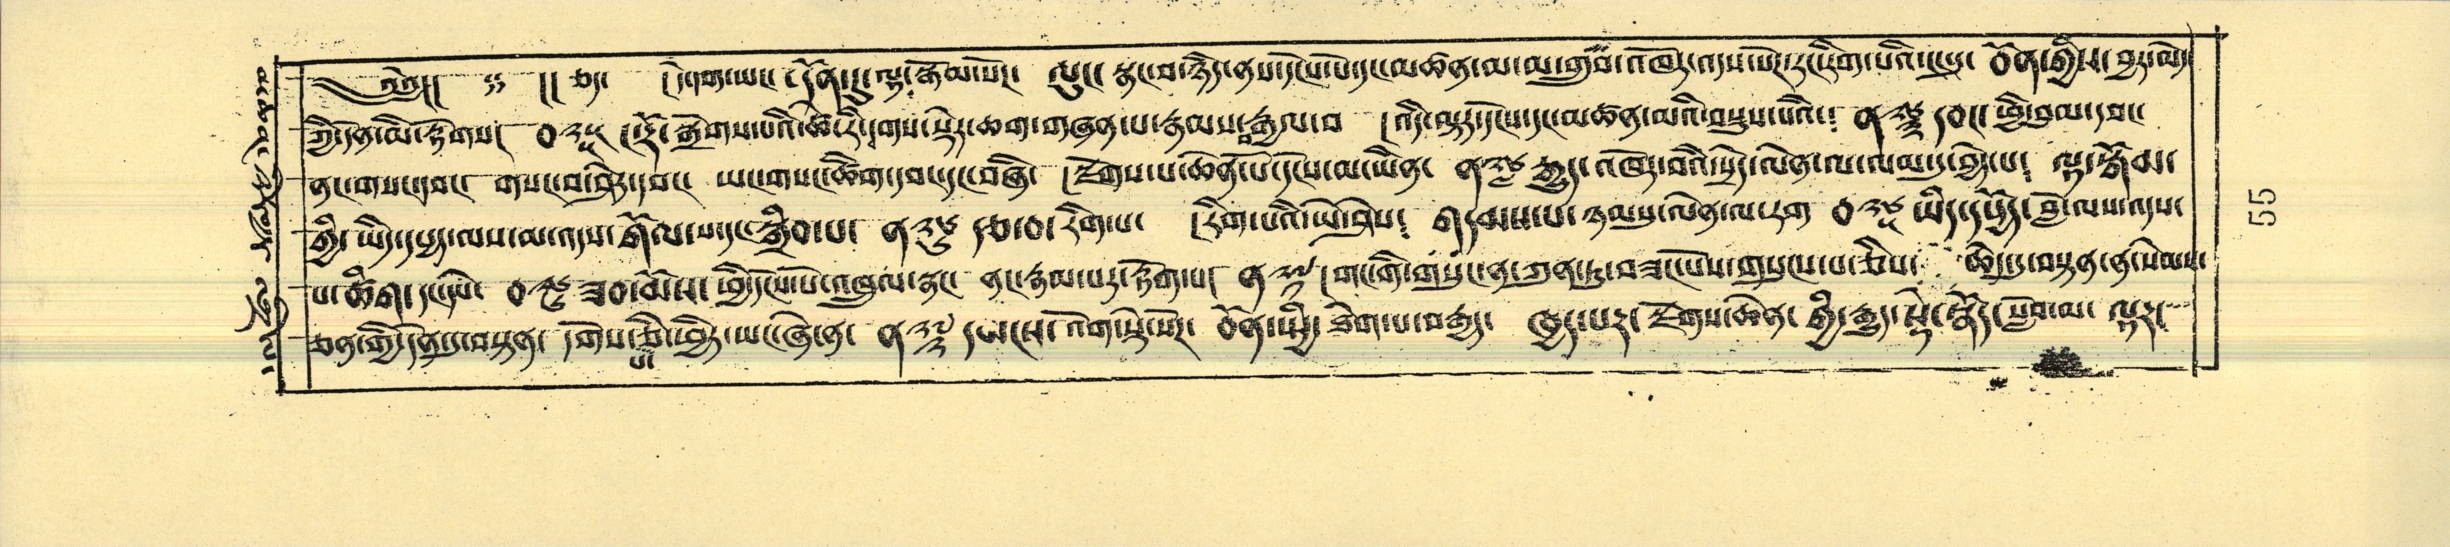ཅད། དེ་དག་ཡང་༼དོན་དུ༽ལྟ་སྒོམ་སོགས་ ༼ལུང་༽སྣང་བ་ཉིད་ནས་དངོས་པོ་དང་མཚན་མ་མ་གྲུབ་འཁོར་འདས་སོགས་རང་རིག་པའི་ངང་དུ་༼བོན་གྱིས༽བྱར་མེད་
༼ཀྱི༽དོན་མི་རྟོགས་བ༢༥།༥༼ང་རོ༽སྒྲོགས་པའི་ཚེ་རི་དྭགས་སྡེར་ཆགས་གཞན་པ་རྣམས་རྒྱལ་བ། འདི་ལྟར་དངོས་དང་མཚན་མས་བསྡུས་པའི་ན༢༦།༣ ༼དབང༽ཕྱི་བུམ་དབང་
ནང་གསང་དབང་གསང་བ་ཤེར་དབང་ཡང་གསང་ཚིག་དབང་དང་བཞི་རྫོགས་པ་ཆེན་པོ་དངོས་མ་ཡིན་ན༢༦།༤༼རྒྱུད༽འཁོར་བའི་སྲེད་ལེན་ལ་ལམ་དུ་བྱེད་པ་ ༼ལྟ་སྒོམ་
གྱི་༽ཡིད་དཔྱད་ལས་མ་འདས་༼གོལ༽བ་དང་༼སྒྲིབ་པ༽ ན༢༦།༦༼རྩ་བ༽རིག་པ། རིག་པའི་ཡེ་ཤེས་ ༼གདམས་པ༽ཉམས་སུ་ལེན་ལ་རག ན༢༦།༥ ༼ཡིད་དཔྱོད༽བློ་ལས་འདས་
པ་ ༼ཚིག༽དང་དཔེ་ན༢༦།༦༼ཟབ་མོས༽ཕྱི་དངོས་པོ་འཁྲུལ་སྣང་ནང་རྣམ་པར་རྟོག་པ་ན༢༧།༡ གང་གིས་གསུངས་ན་ཀུན་ཏུ་བཟང་པོས་གསུངས་པ་ཅིས། ཆེད་དུ་བསྟན་ན་སེམས་
ཅན་གྱི་དོན་དུ་བསྟན། དགོས་པ་ཅིའི་ཕྱིར་ཡང་ཞེ་ན། ན༢༧།༢༼དམངས༽འོག་སྡེ་སོགས་ ༼བོན་སྤྱི༽ཐེག་པ་བརྒྱད་༼ཁྱད་པར༽རྫོགས་ཆེན་༼གྱི༽རྒྱུད་༼སྡེ་སྣོད༽སློབ་མ་༼ལྟར༽